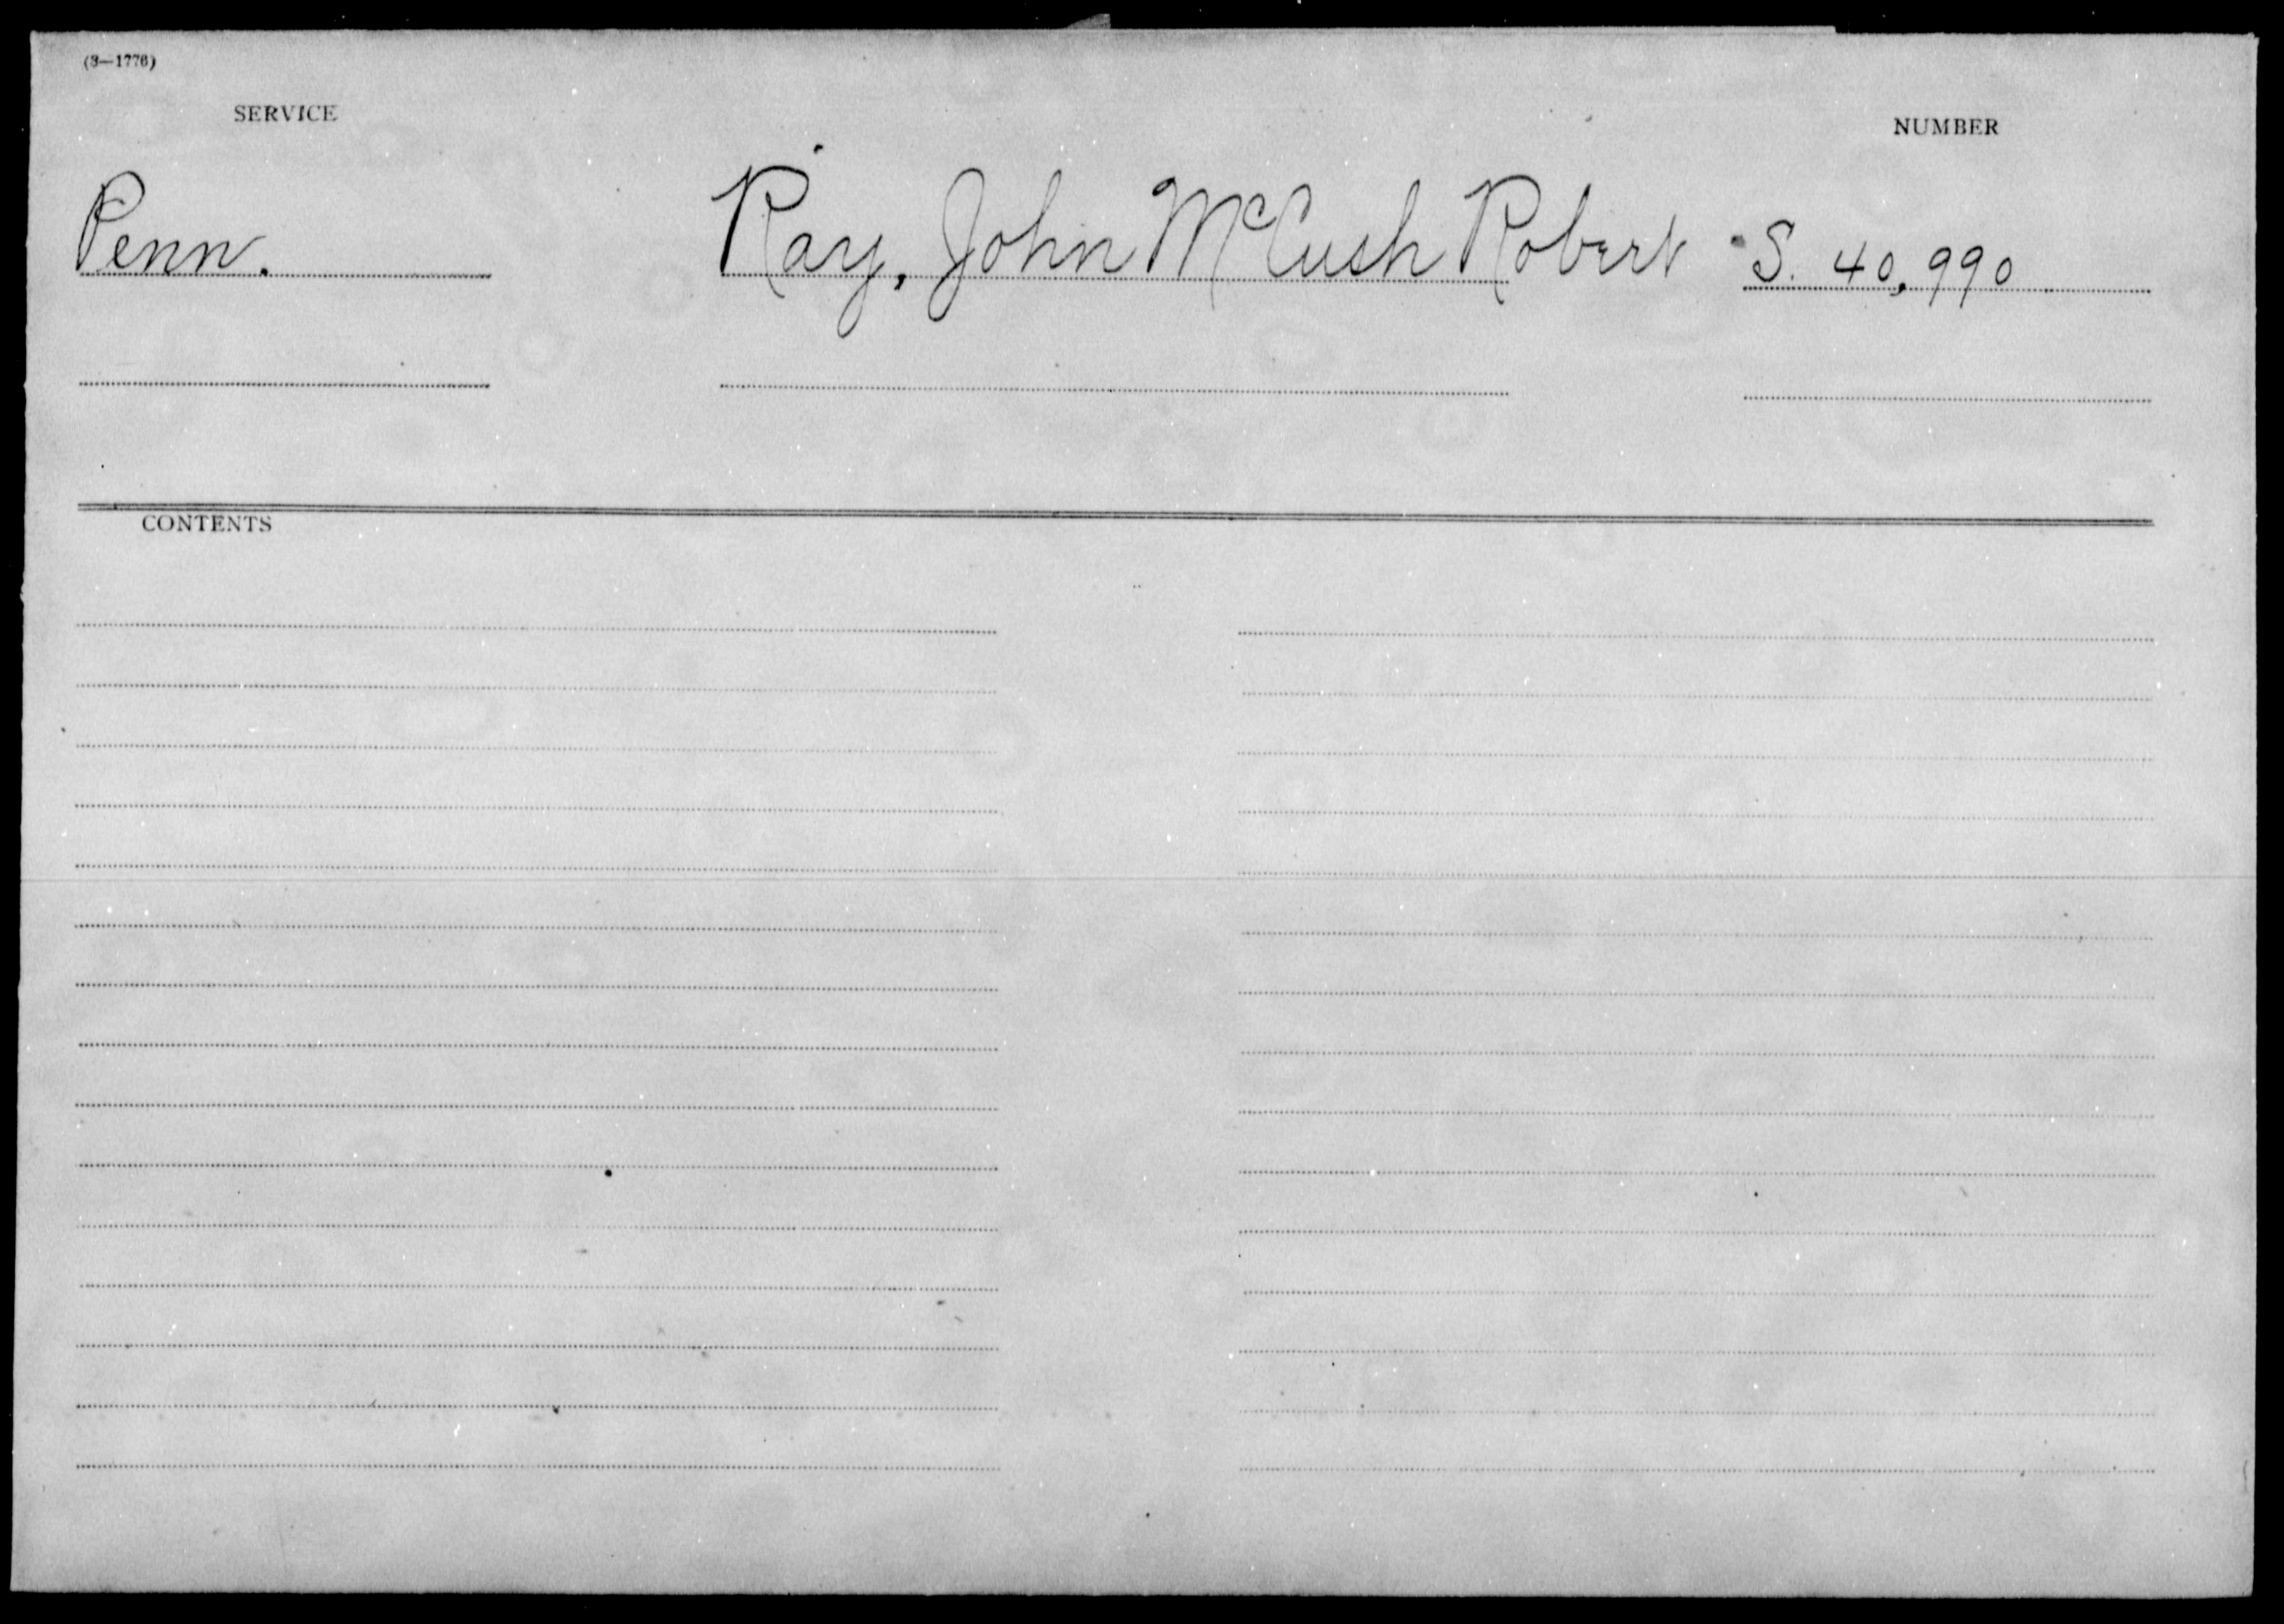(3-1776)

SERVICE
Penn.
Ray, John McCush Robert

NUMBER
S. 40,990

CONTENTS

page: 1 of 20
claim: survivor's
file: S. 40,990, for John Mc Cush Robert Ray, Pennsylvania